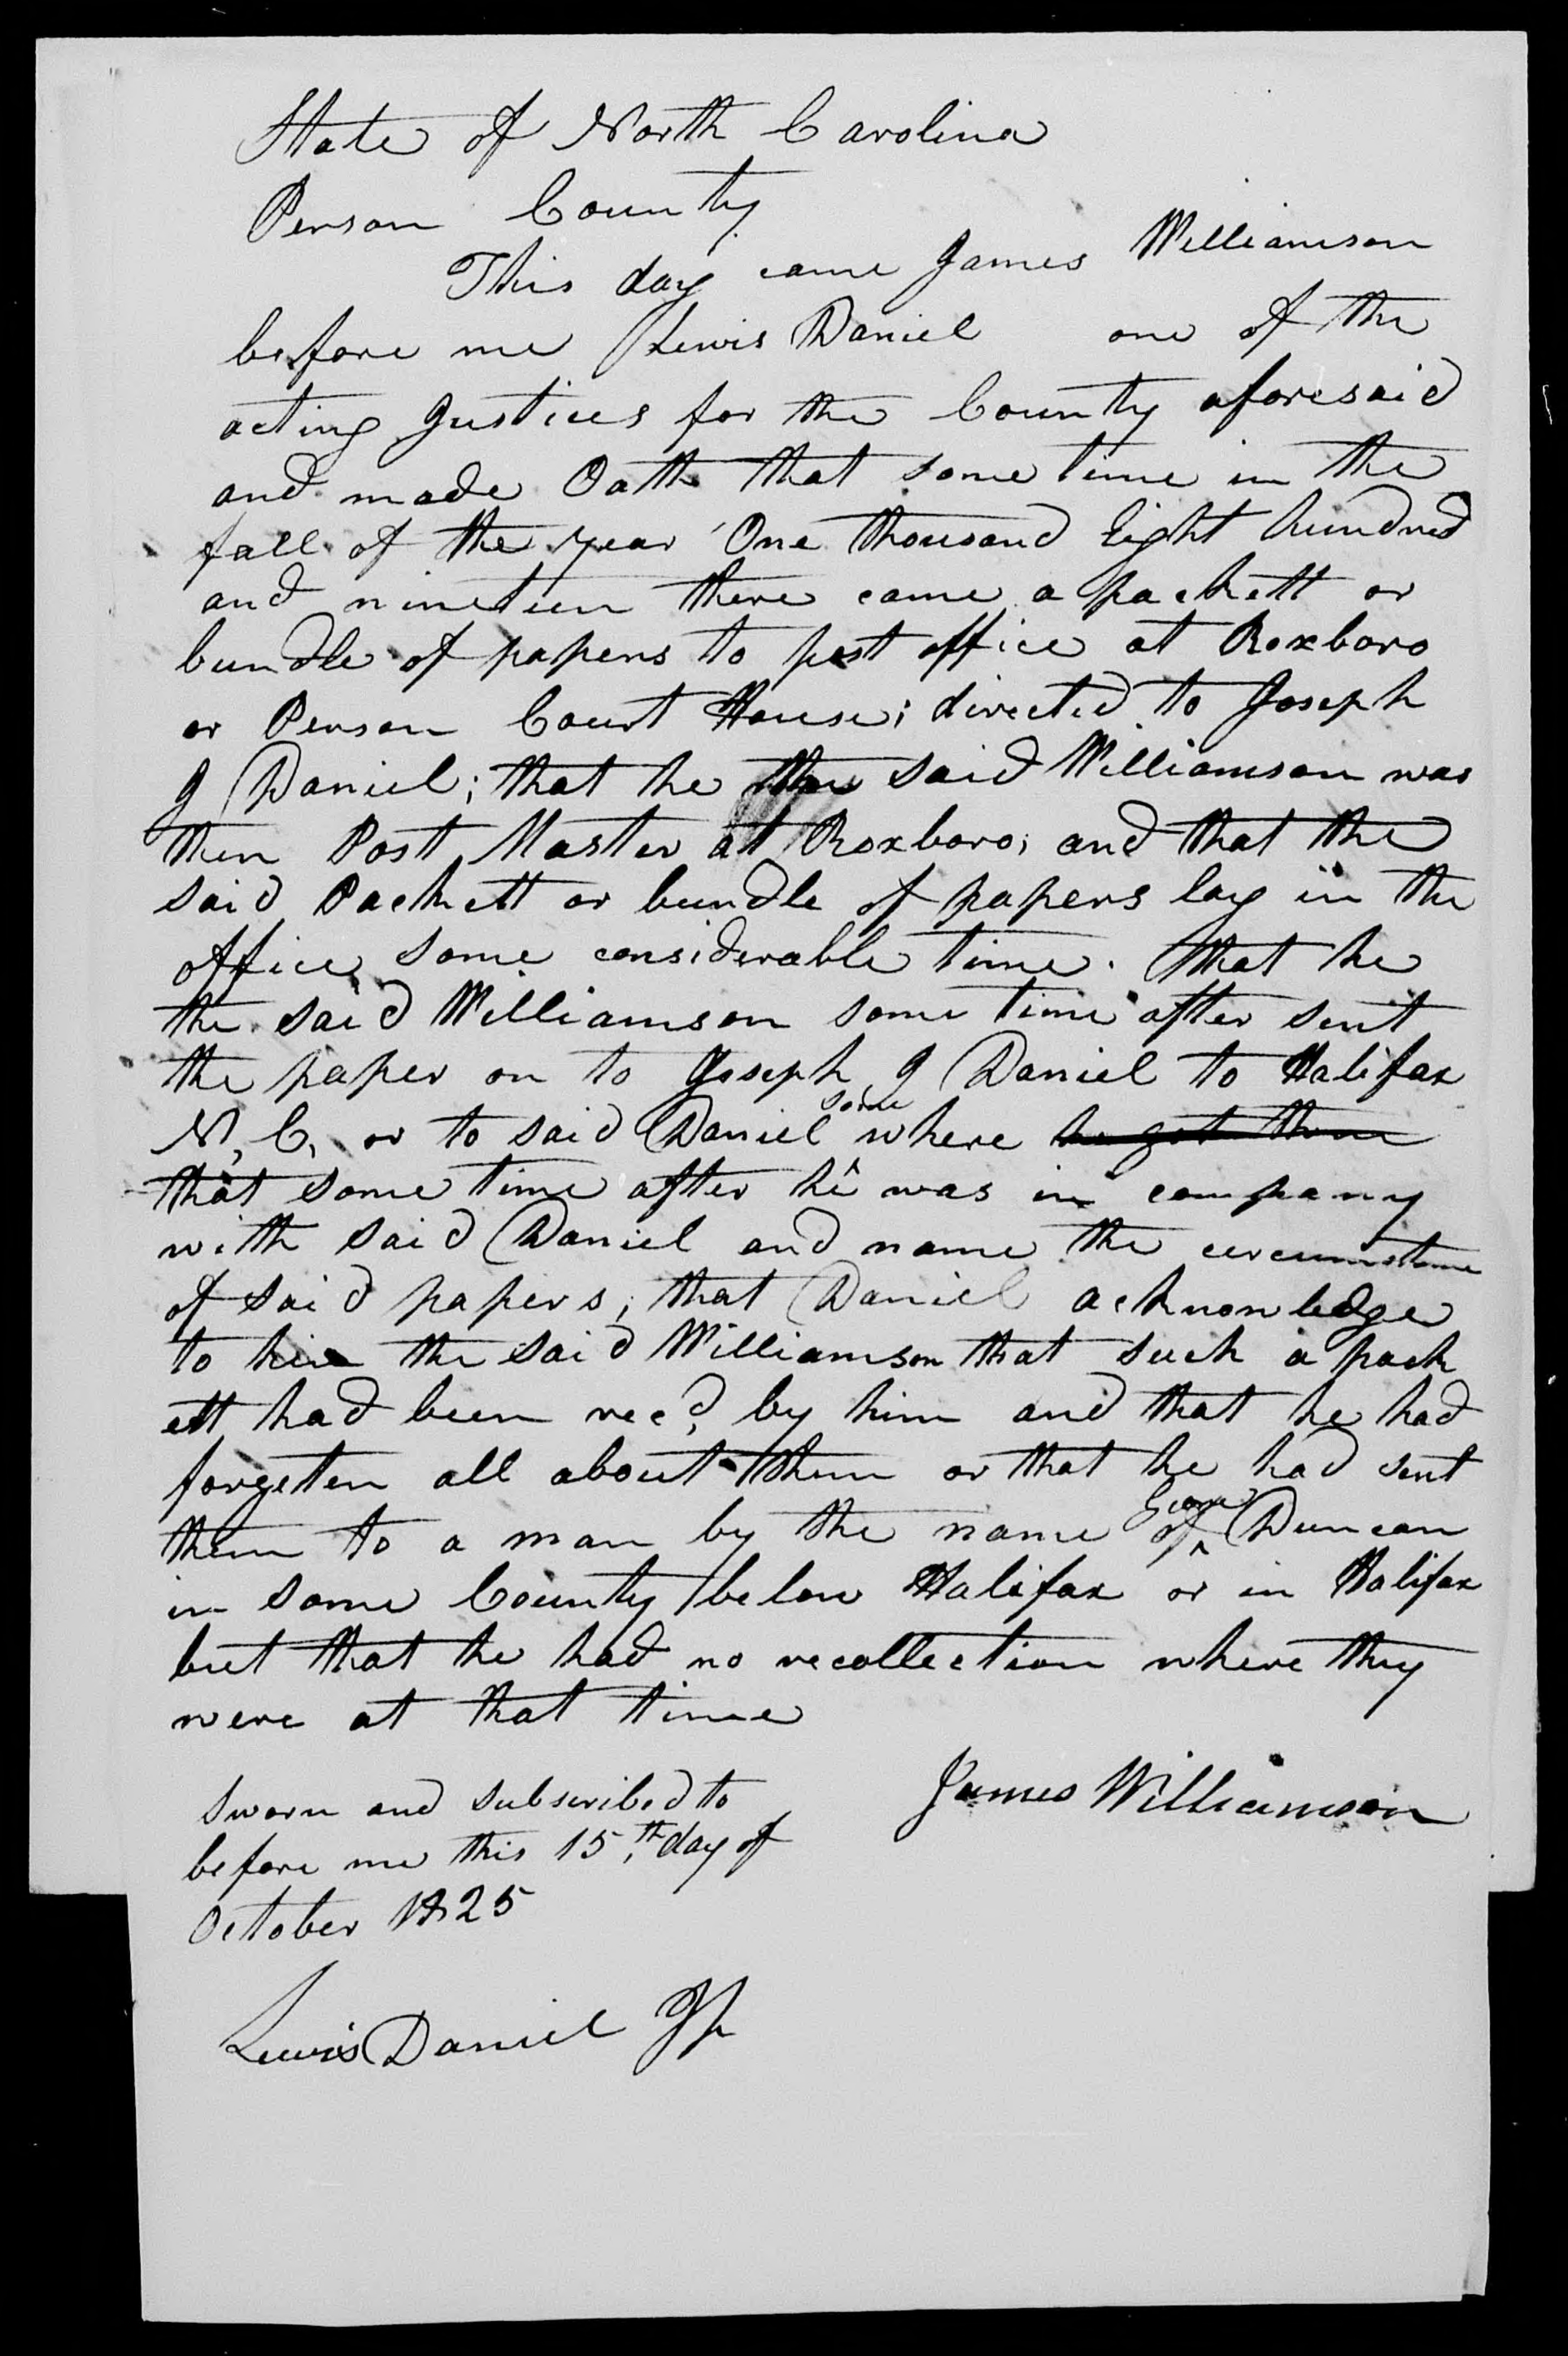State of North Carolina
Person County

This day came James Williamson before me Lewis Daniel one of the acting  Justices for the County aforesaid and made Oath that sometime in the fall of the year One thousand Eight hundred and nineteen there came a packett (sic) or bundle of papers to post office at Roxboro (sic) or Person Court House; directed to Joseph J Daniel; that he the said Williamson was then Post Master at Roxboro (sic); and that the said packett (sic) or bundle of papers lay in the office some considerable time., that he the said Williamson some time after sent the papers on to Joseph J Daniel to Halifax N. C. or to said John Daniel where that some time after he was in company with said Daniel and name the circumstance of said papers, that Daniel acknowledged to him the said Williamson that such a packett (sic) had ben rec'd by him and that he had forgotten all about them or that he had sent them to a man by the name of Duncan in some County below Halifax or in Halifax but that he had no recollection where they were at that time.

James Williamson

Sworn and Subscribed to
before me this 15th day of 
October 1825
Lewis Daniel J. P.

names: Daniel, Lewis Daniel, George Duncan, Williamson, James Williamson, Daniel, James Williamson, Williamson, Williamson, Lewis Daniel, Joseph J Daniel, Joseph J Daniel, Daniel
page: 20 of 49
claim: survivor's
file: S. 41513, George Duncan, N.C.